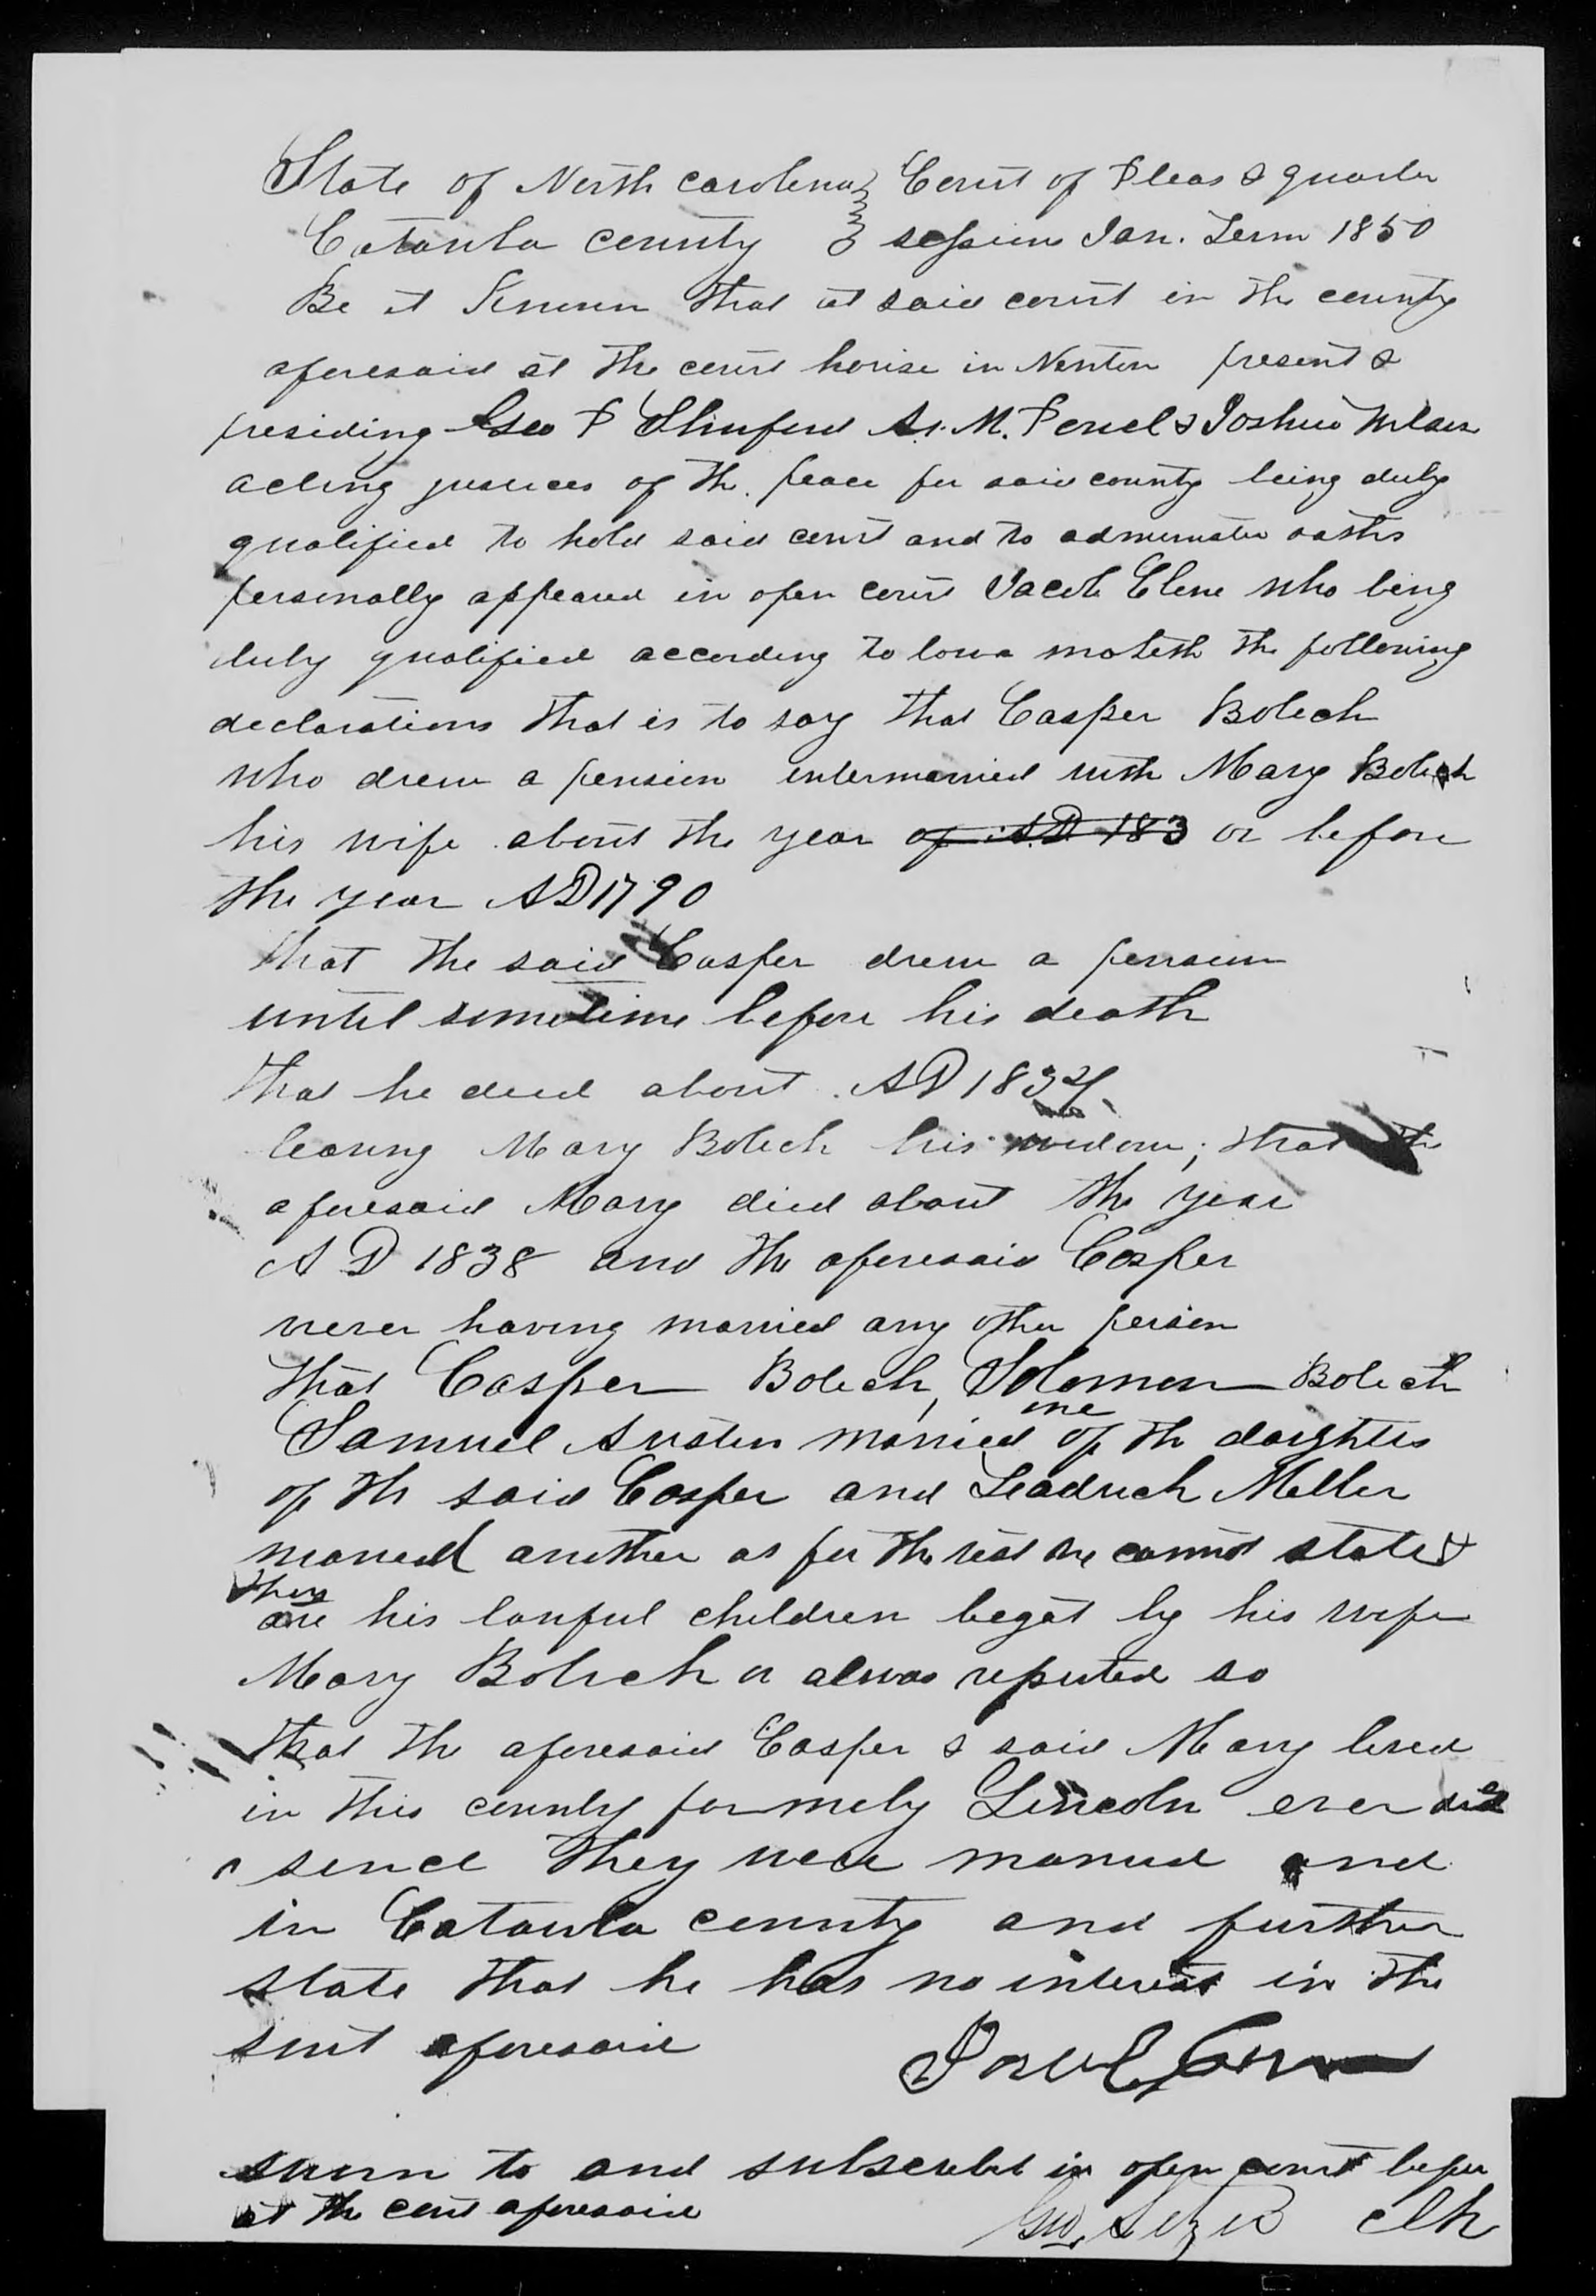State of North Carolina} Court of Pleas & quarter 
Catawba County} sessions Jan. Term 1850 be it known that at said court in the county aforesaid at the court house in Newton present & presiding Geo. P Shuford A. M. Powell & Joshua Wilson acting justices of the peace for said county being duly qualified to hold said court and to administer oaths personally appeared in open court Jacob Cline who being duly qualified according to law maketh the following declaration that is to say that Casper Bolick who drew a pension intermarried with Mary Bolick his wife about the year or before the year A. D. 1790. That he said Casper drew a pension until sometime before his death that he died about A. D. 1834leaving Mary Bolick his widow; that aforesaid Mary died about he year A. D. 1838 and the aforesaid Casper never having married any other person that Casper Bolick Solomon Bolick Samuel Austin married on of the daughters of the said Casper and Fredrich Miller married another as for the rest he cannot state & they are his lawful children legal by his wife Mary Bolick  or  was always reputed so.  That the aforesaid Casper & said Mary lived in this county formerly Lincoln ever did since they were married and in Catawba county and further state that he has no interest in the sent aforesaid.
[Signature] Jacob Cline
Sworn to and subscribed in open court before at the court aforesaid [Signature] Geo. Setzer Clk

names: Mary, Casper, A M Powel, Mary Bolech, Joshua Wilson, Casper, Geo Setzer, Jacob Cline, Casper Bolech, Casper, Mary Bolech, Mary Bolich, Solomon Bolech, Fadrich Miller, Jacob Cline, Casper, Geo P Shuferd, Casper Bolech, Mary, Samuel Austin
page: 9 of 43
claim: widow's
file: W. 18,566, Casper Bolick, N.C.